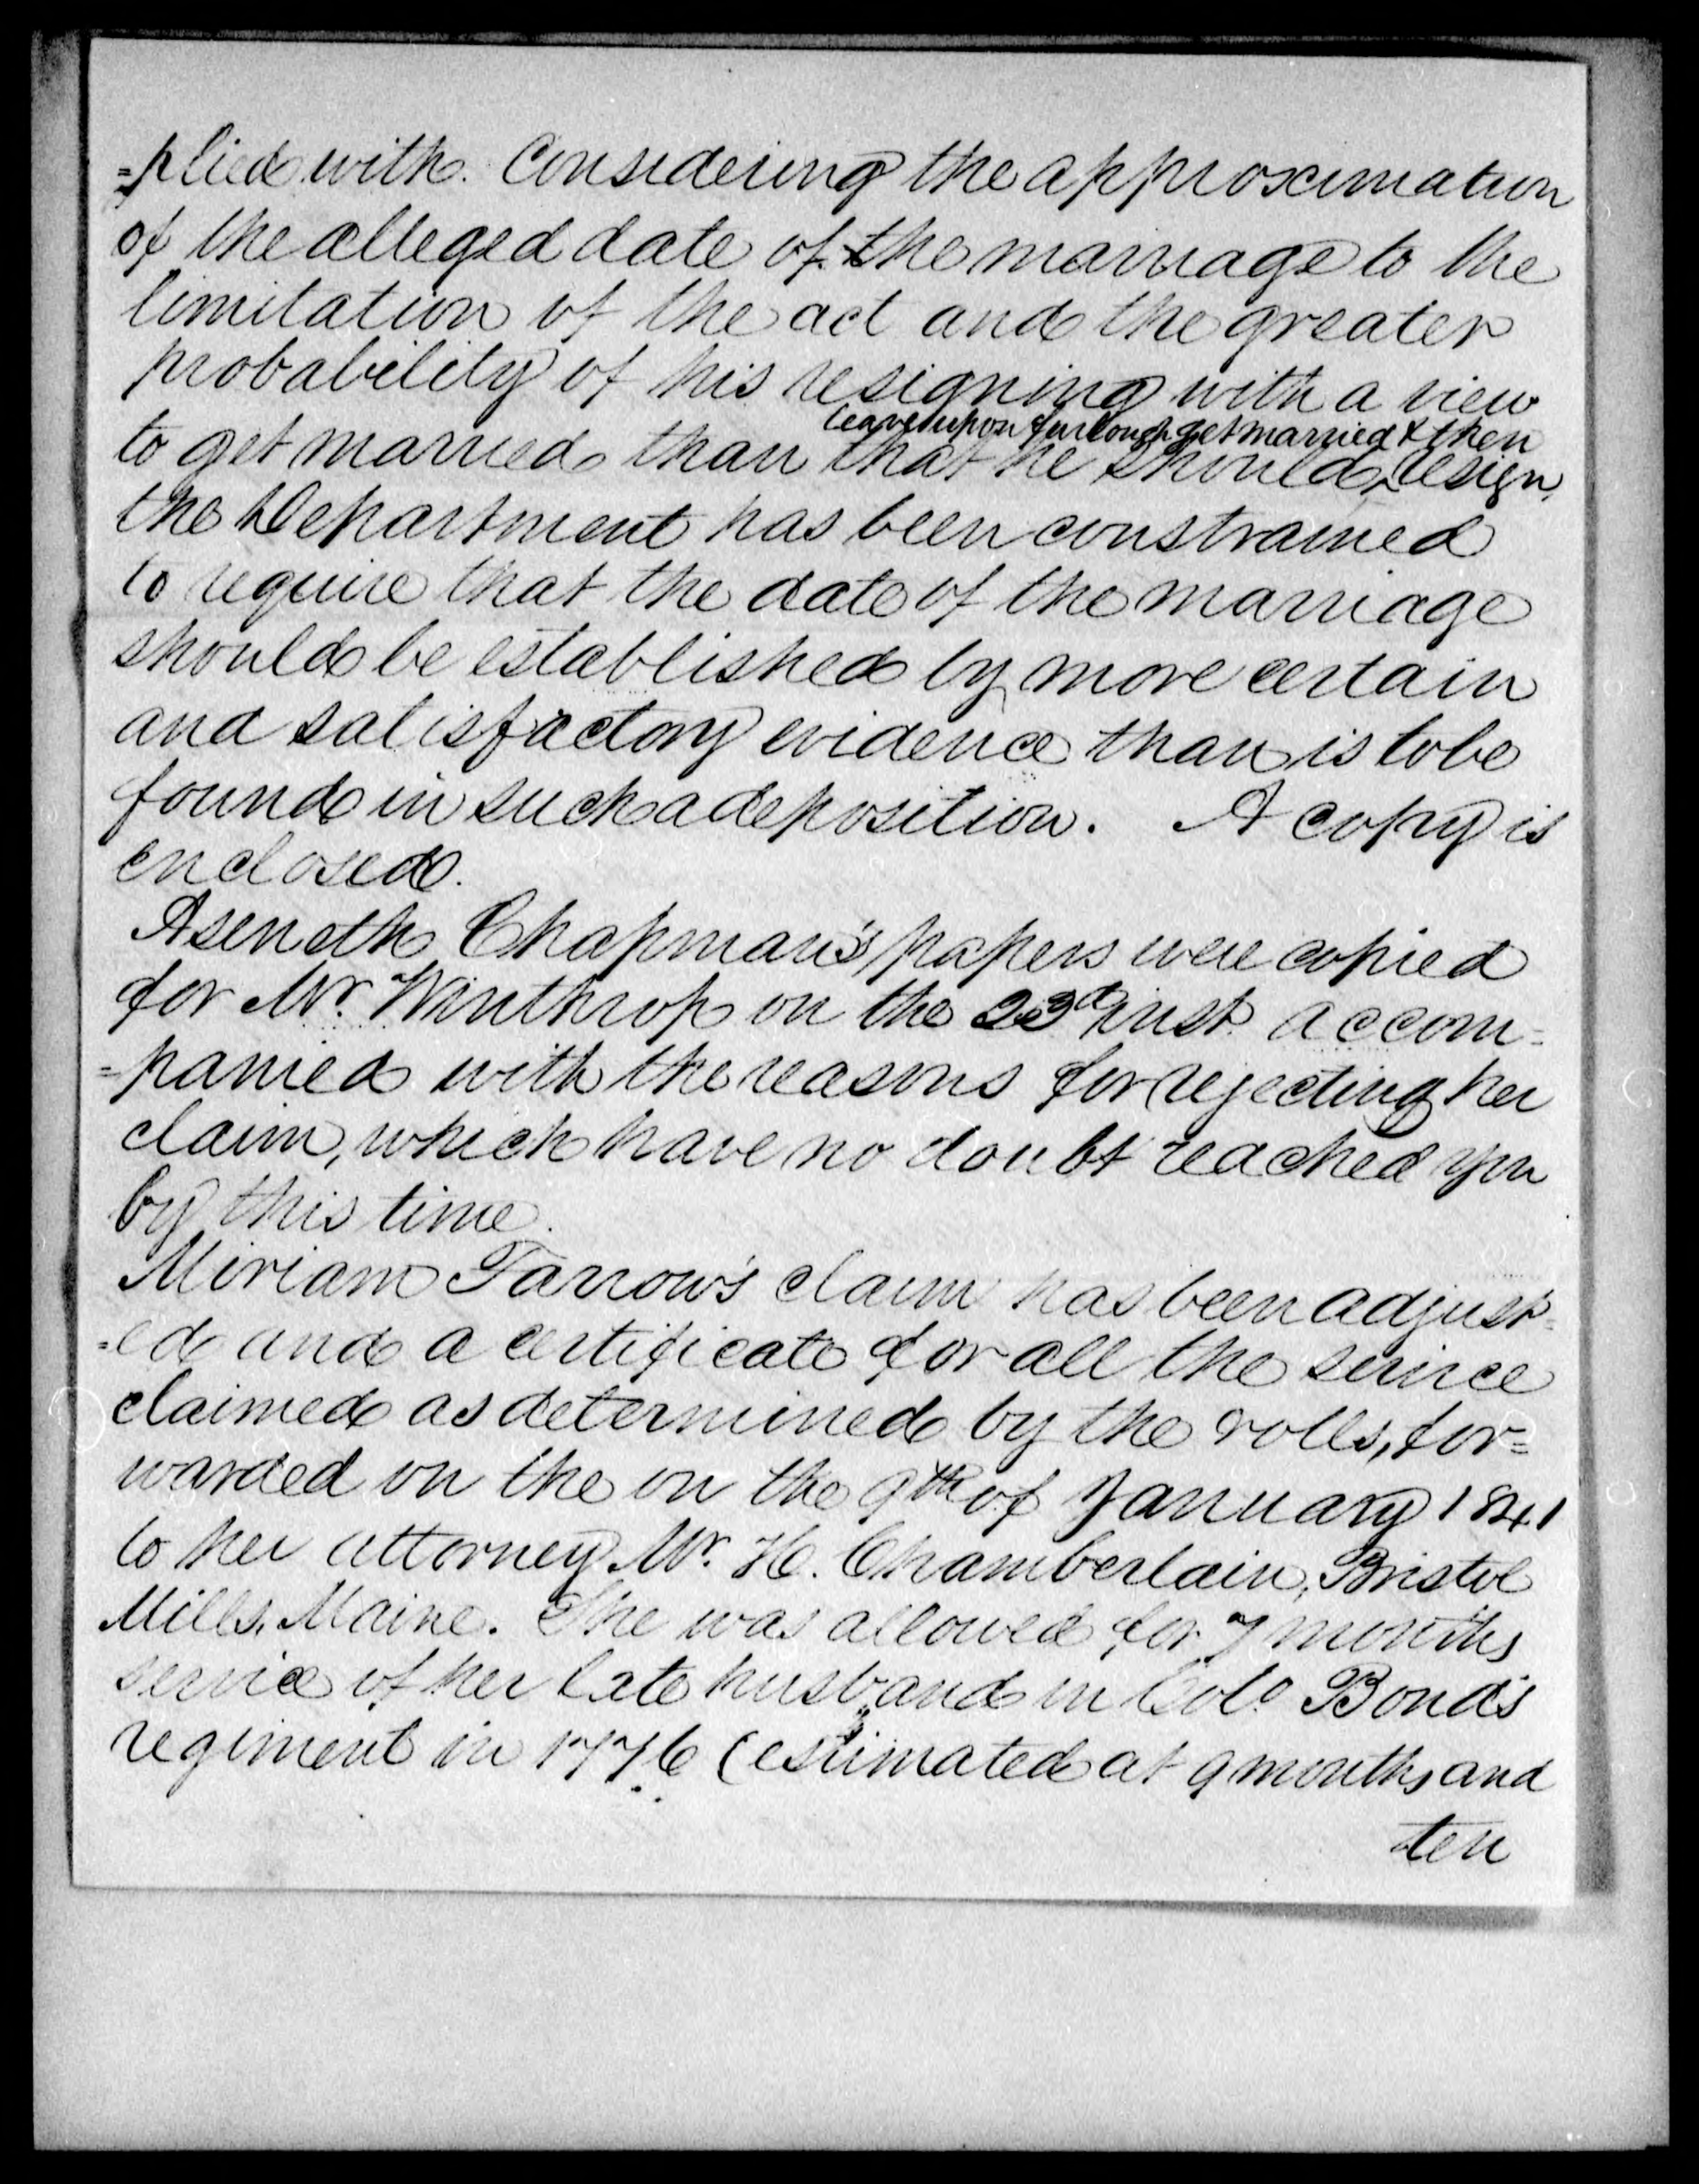complied with considering the approximation of the alleged date of the marriage to the limitation of the act and the greater probability of his resigning with a view to get married than that he should leave upon furlough get married & then resign.  the Department has been constrained to require that the date of the marriage should be established by more certain and satisfactory evidence than is to be found in such a deposition.  A copy is enclosed.

Aseneth Chapman's papers were copied for Mr. Winthrop on the 23d inst.  accompanied with the reasons for rejecting her claim, which have no doubt reached you by this time.

Miriam Farrow's claim has been adjusted and a certificate for all the service claimed as determined by the rolls, forwarded on the 9th of January 1841 to her attorney W. H. Chamberlain, Bristol Mills, Maine.  She was allowed for 6 months service of her late husband in Col. Bond's regiment in 1776 (estimated at 9 months and ten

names: Aseneth Chapman, Winthrop, H Chamberlain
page: 60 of 102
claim: widow's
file: W. 18239, Isaac Van Wart, New York